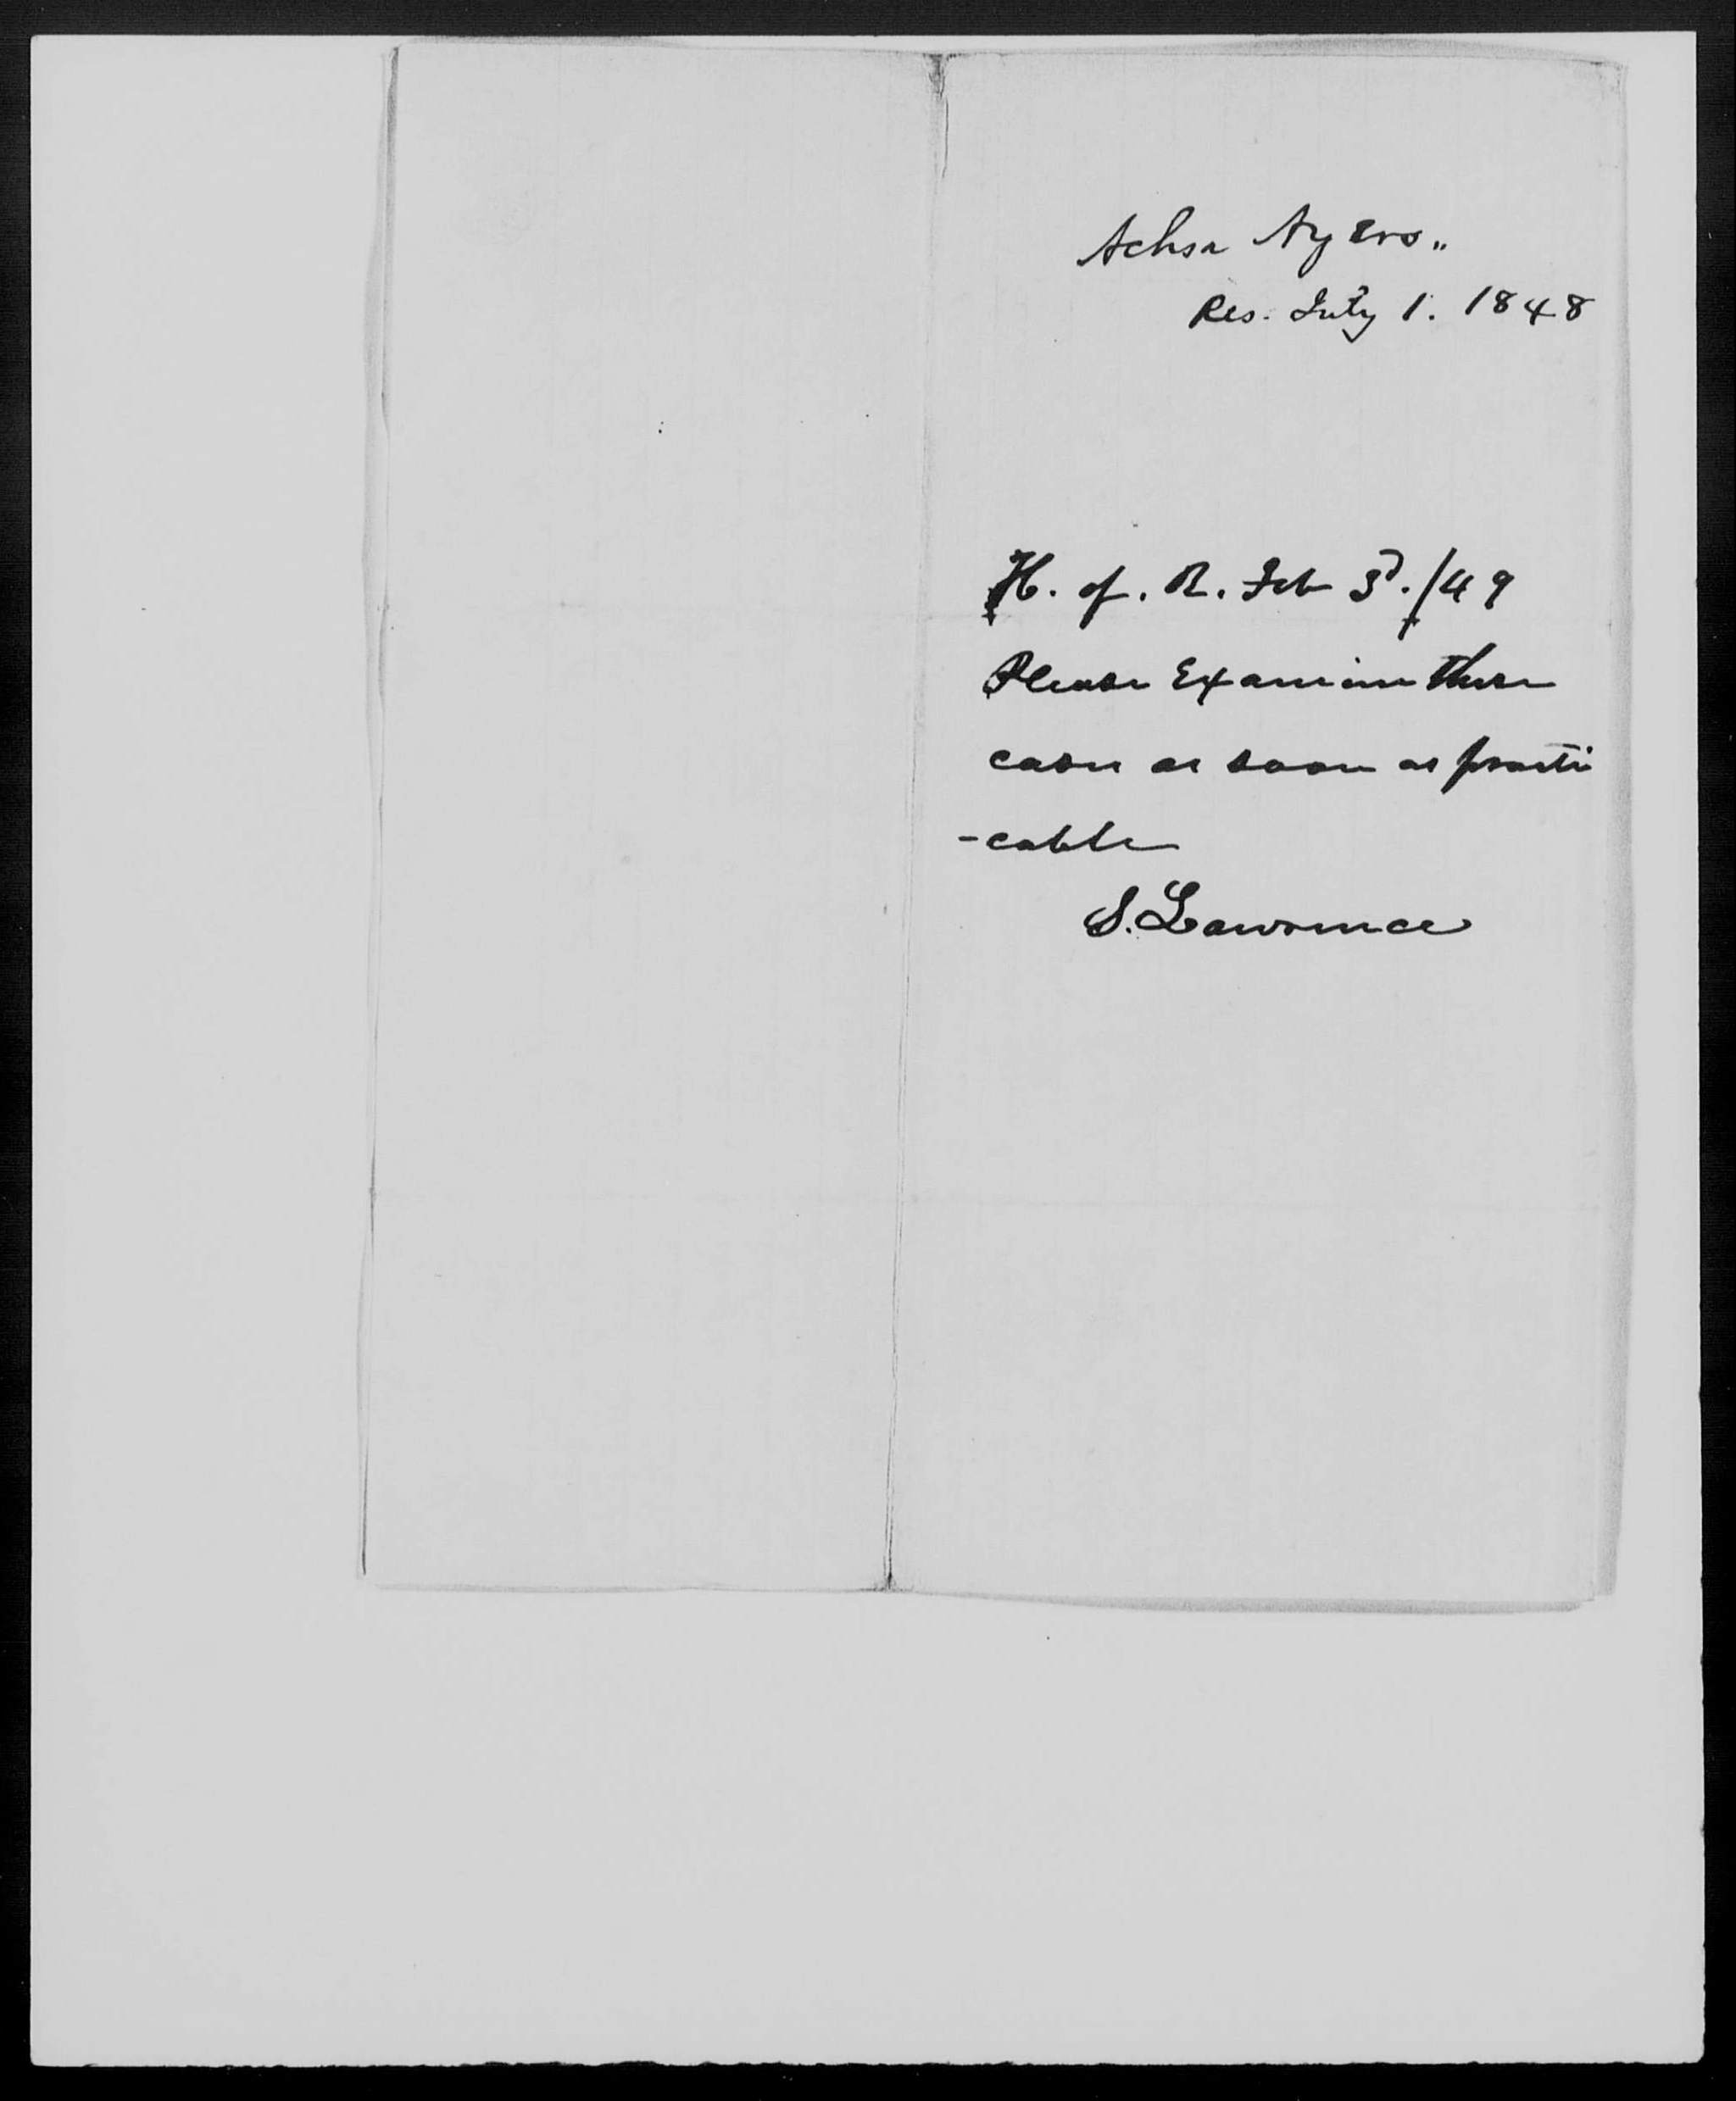Achsa Ayers
Res. July 1, 1848
H. of R.  Feb 3d / 49
Please Examine these cases as soon as practicable
S. Lawrence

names: S Lawrence, Achsa Ayers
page: 38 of 50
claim: widow's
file: W. 8559, Ebenezer Ayer, Continental (Conn)